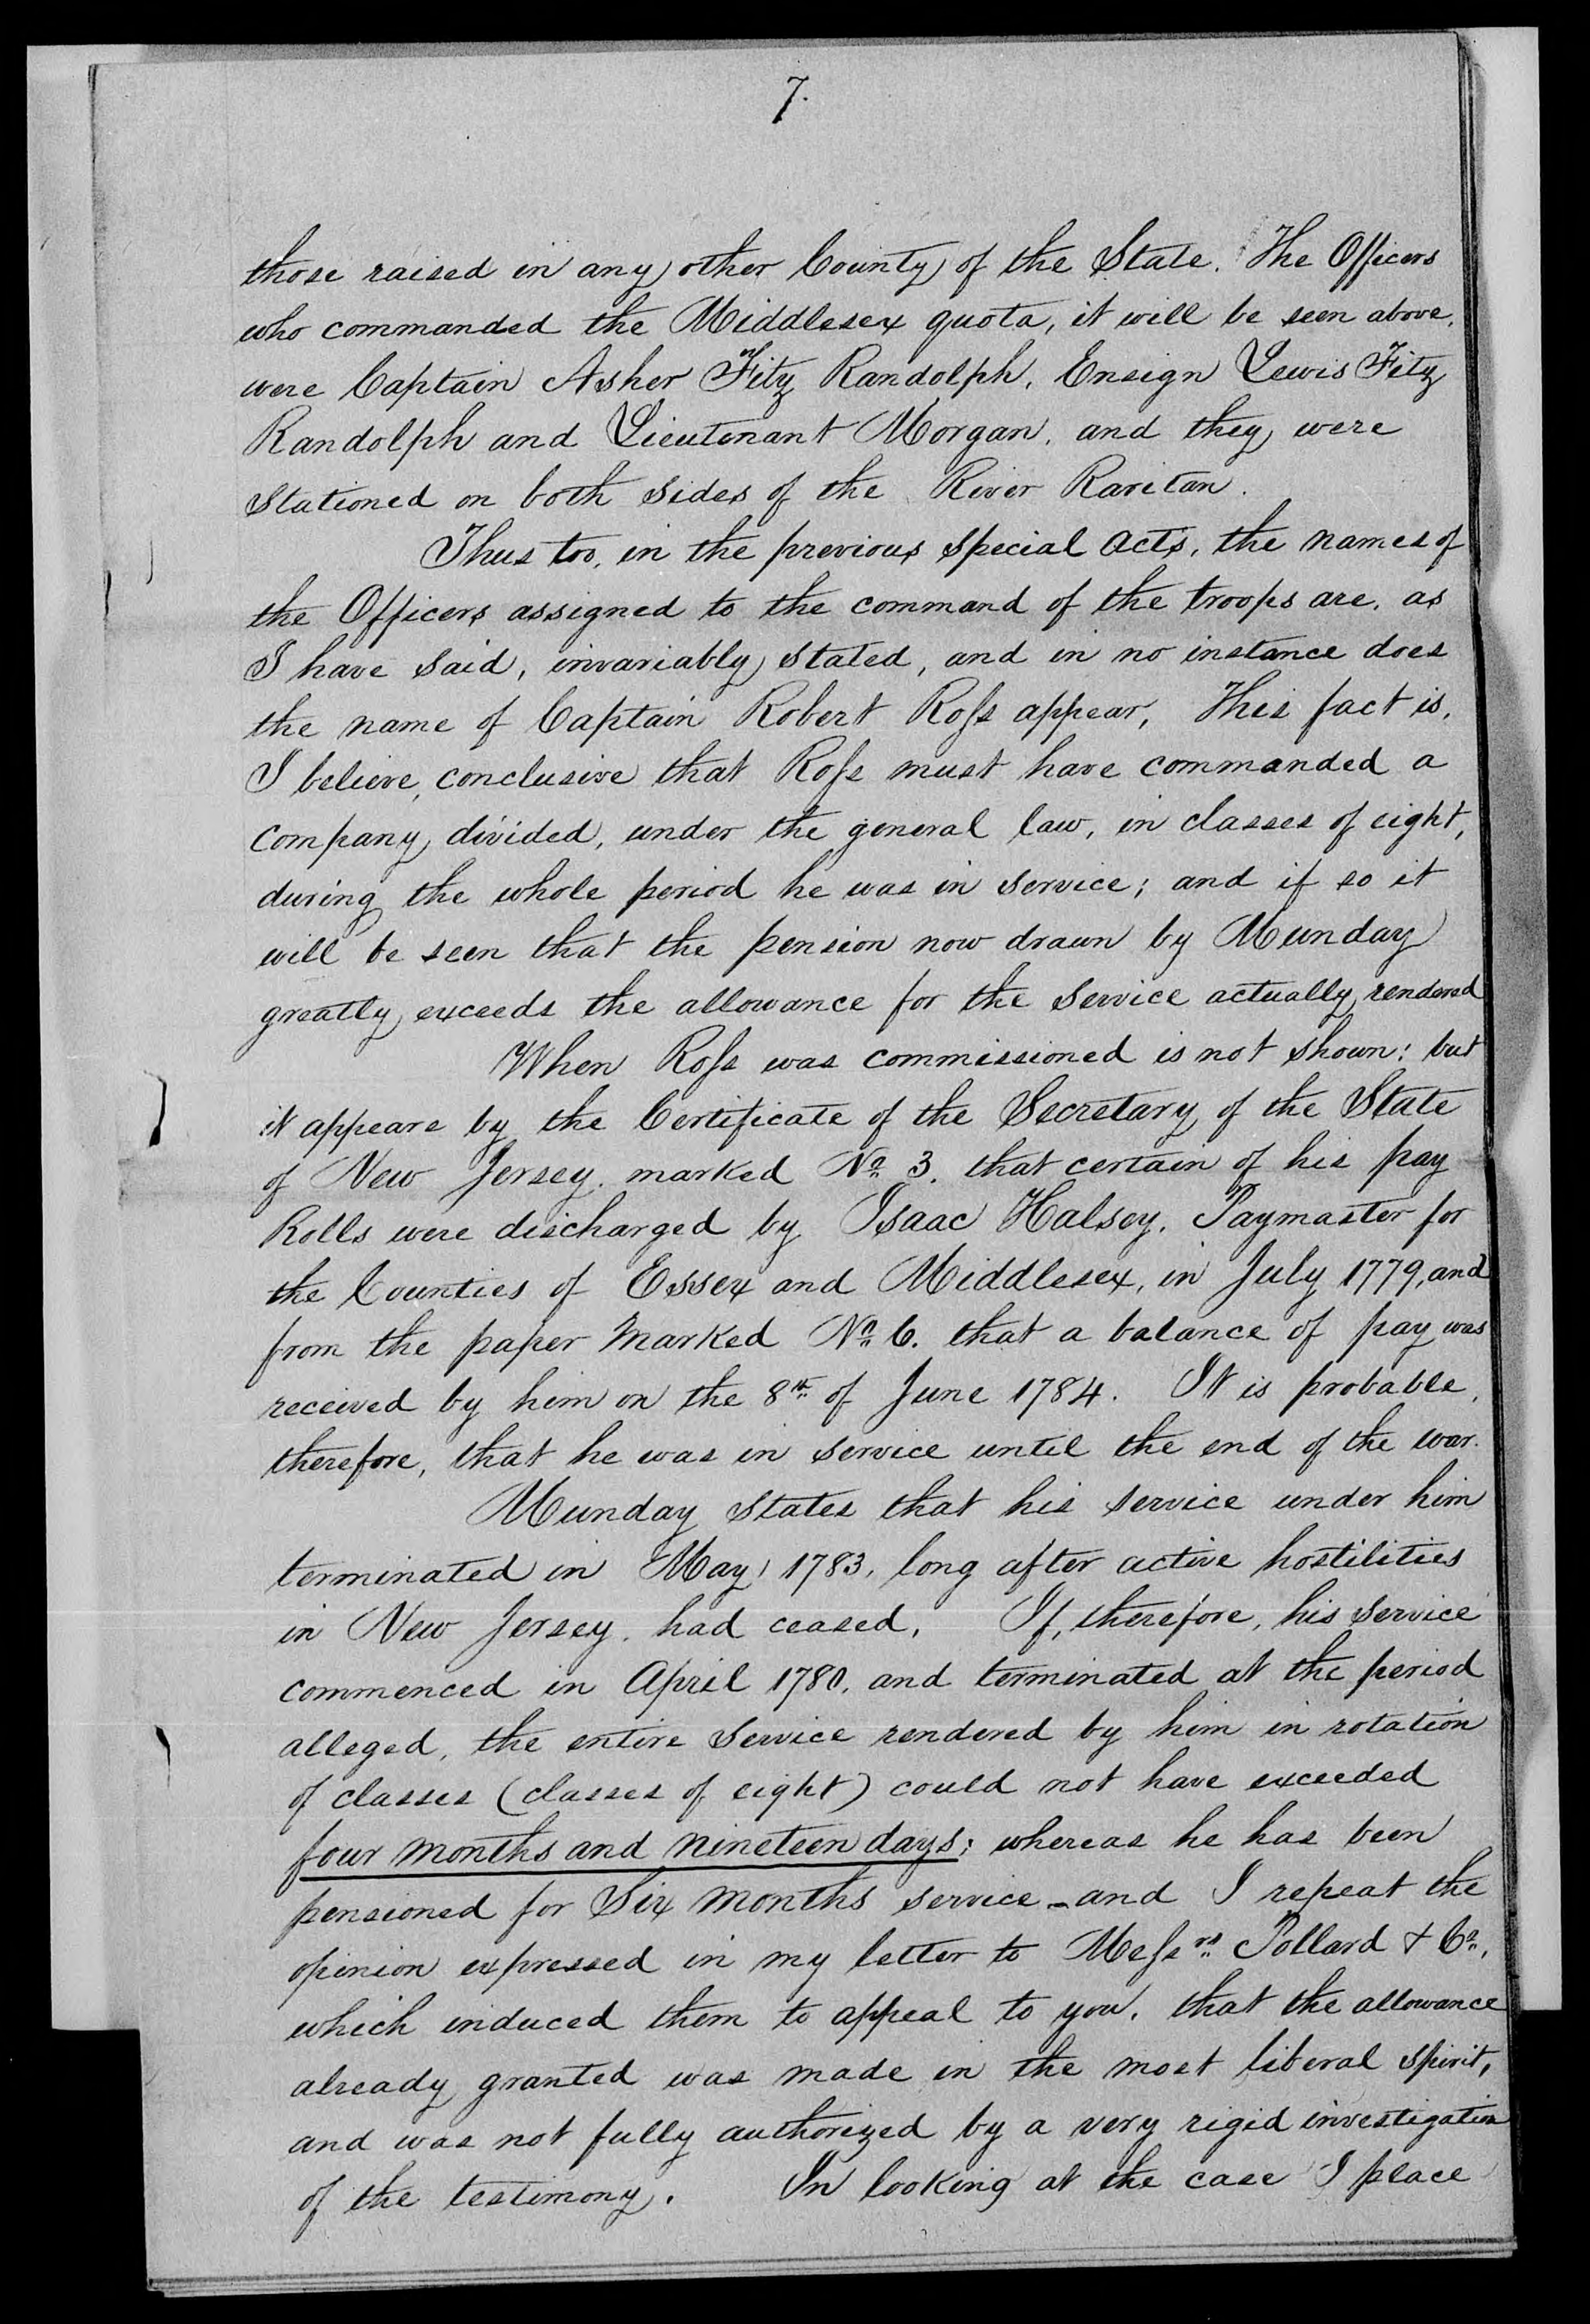...7

those raised in any other County of the State. The Officers who commanded the Middlesex quota, it will be seen above, were Captain Asher Fitz Randolph, Ensign Lewis Fitz Randolph and Lieutenant Morgan, and they were stationed on both sides of the River Raritan.

Thus too, in the previous Special Acts, the names of the officers assigned to the command of the troops are, as I have said, invariably stated, and in no instance does the name of Captain Robert Ross appear. This fact is I believe conclusive that Ross must have commanded a company divided, under the general law, in classes of eight, during the whole period he was in service; and if so it will be seen that the pension now drawn by Munday greatly exceeds the allowance for the service actually rendered.

When Ross was commissioned is not shown; but it appears by the Certificate of the Secretary of the State of New Jersey marked No. 3, that certain of his Pay Rolls were discharged by Isaac Halsey, Paymaster, for the Counties of Essex and Middlesex in July 1779, and from the paper marked No. 6, that a balance of pay was received by him on the 8th of June 1784. It is probable therefore, that he was in service until the end of the war.

Munday States that his service under him terminated in May 1783, long after active hostilities in New Jersey had ceased. If, therefore, his service commenced in April 1780 and terminated at the period alleged, the entire service rendered by him in rotation of classes (classes of eight) could not have exceeded four months and nineteen days; whereas he has been pensioned for six months service and I repeat, the opinion expressed in my letter to Messrs. Pollard & Co., which induced them to appeal to you, that the allowance already granted was made in the most liberal spirit and was not fully authorized by a very rigid investigation of the testimony. In looking at the case, I place...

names: Lewis Fitz Randolph; [BLANK] Morgan; Robert Ross; Isaac Halsey; Asher Fitz Randolph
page: 34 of 95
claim: survivor's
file: S 2889, for Levi Mundy, New Jersey